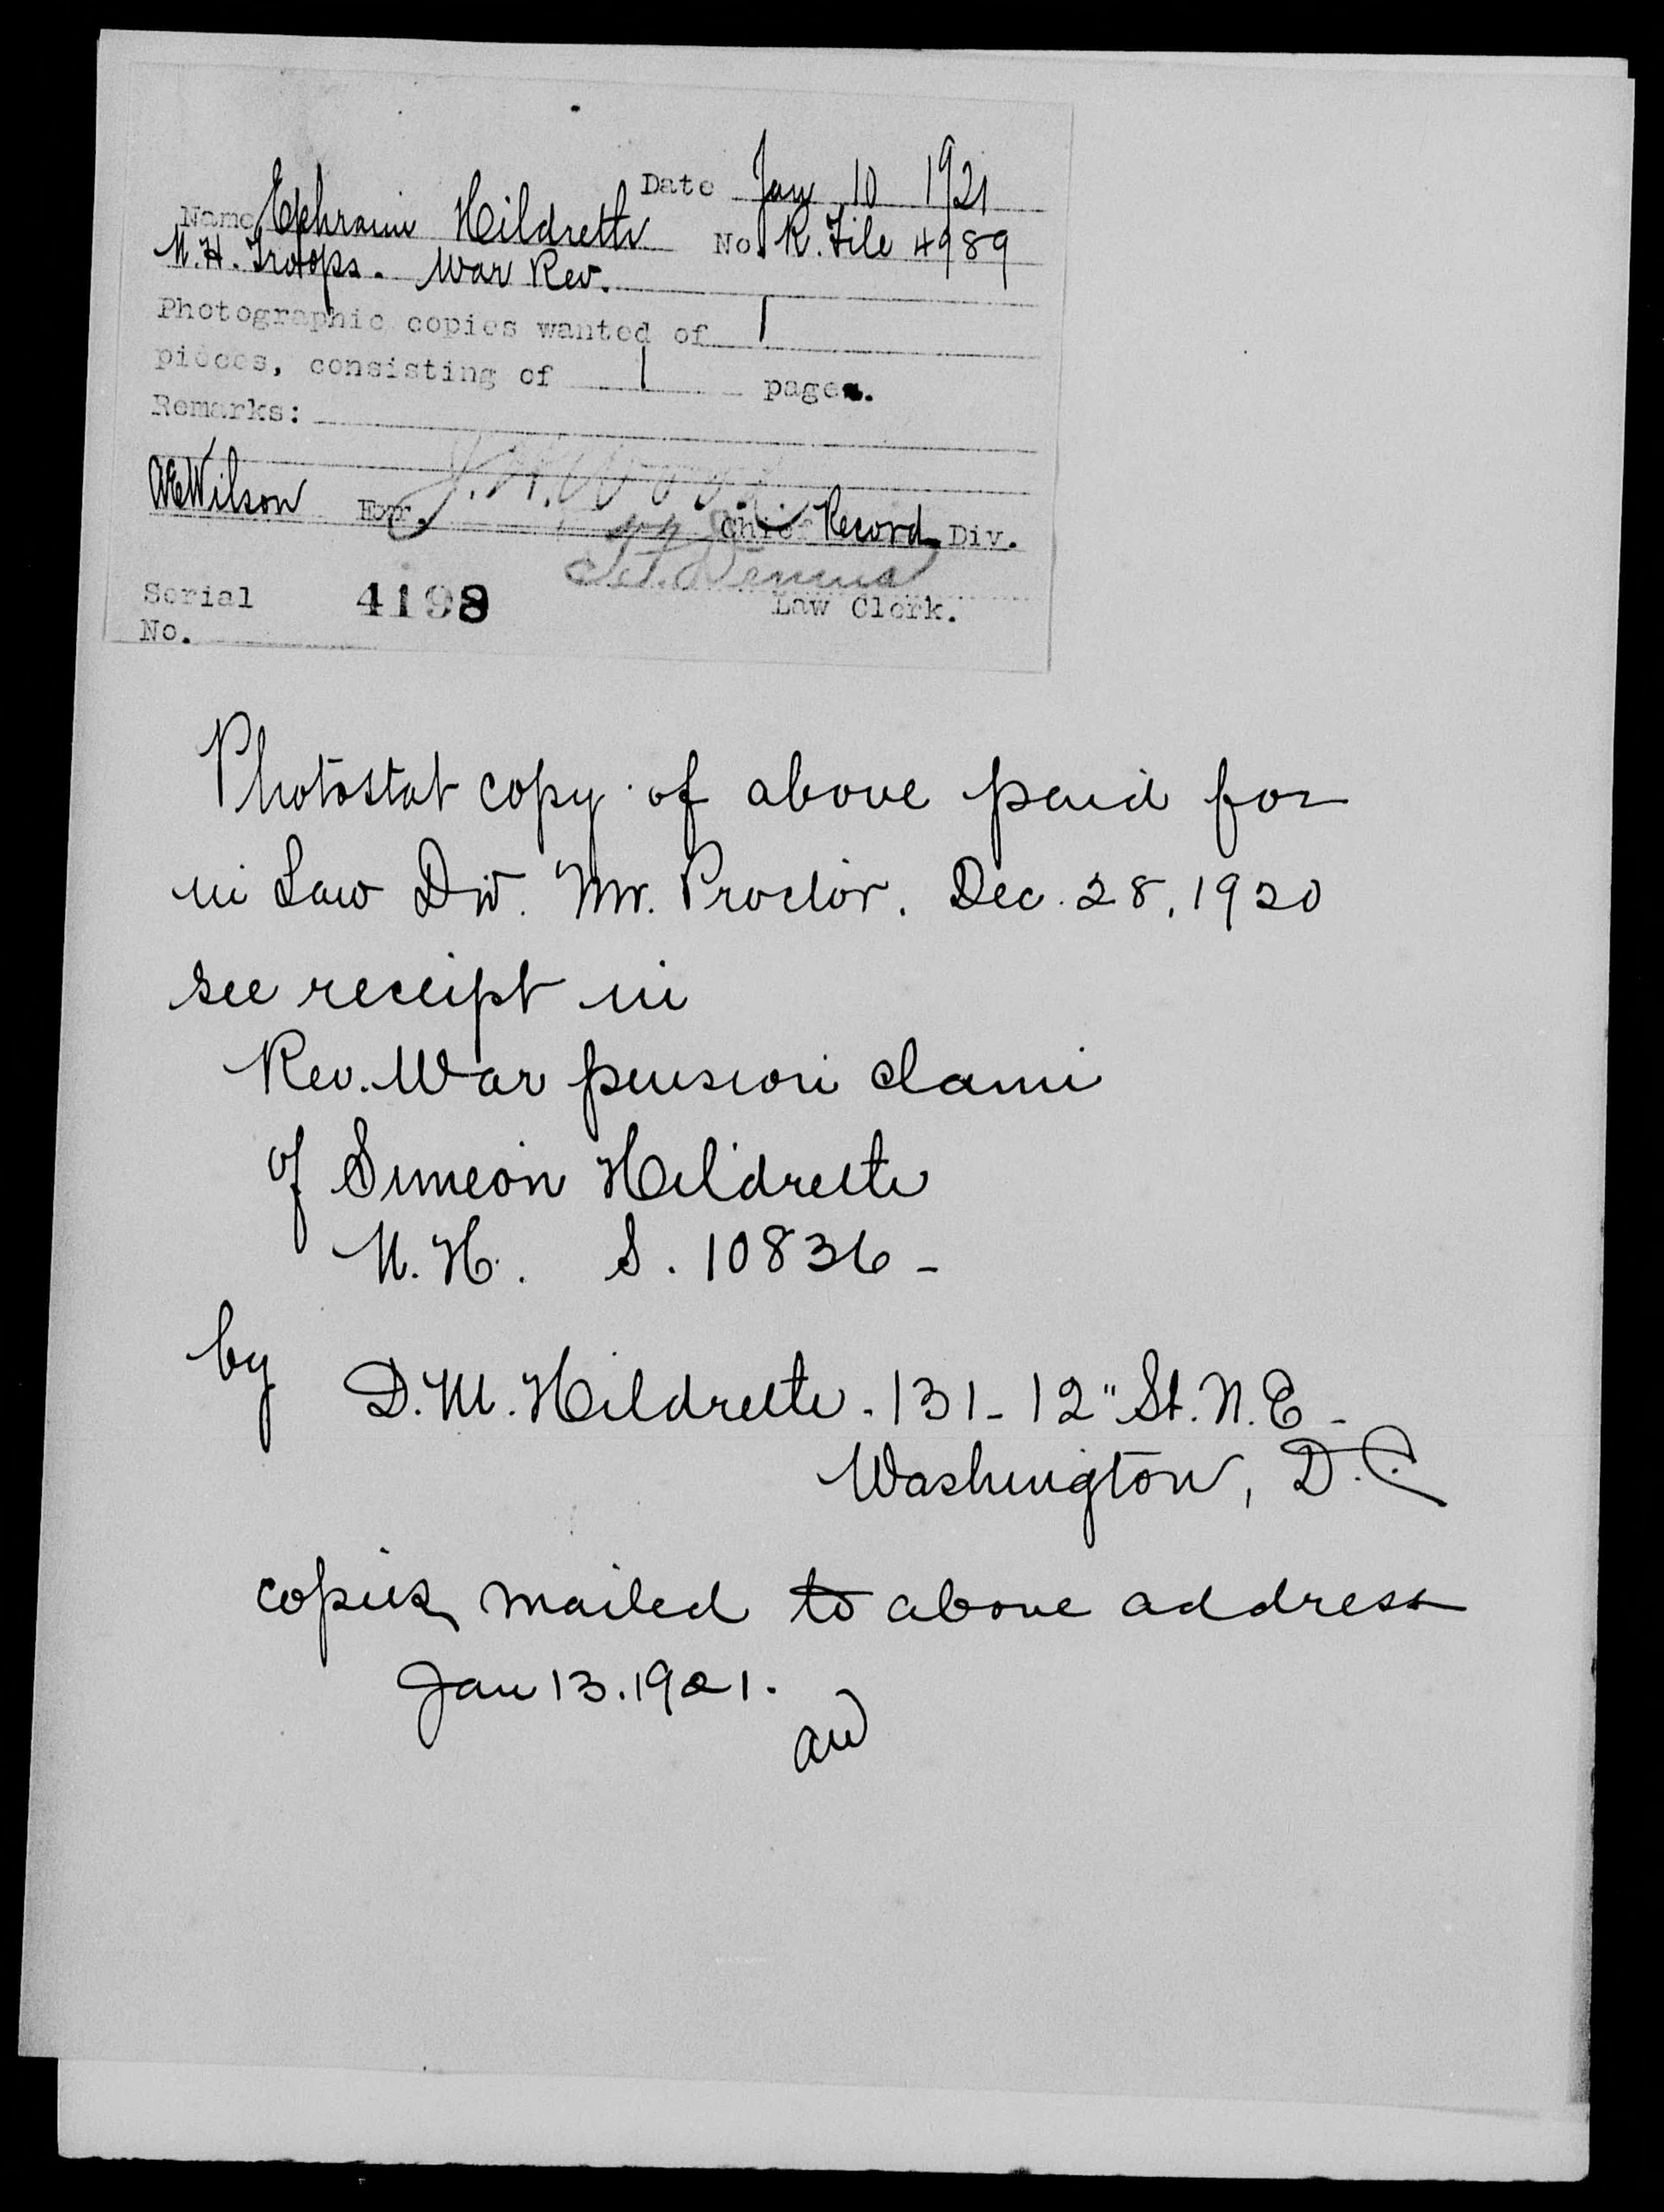(card in upper right of record)

Date Jan(uary) 10 1921

Name Ephraim Hildreth No. R 4989
 N. H. Troops  War Rev(olutionary)

Photographic copies wanted of 1
pieces, consisting of 1 pages
Remarks (left blank)

(signed) A E Wilson Exr. (stamp J H Wood 
Chief of Record Div(ision) 
(signed) T. F. Dennis Law Clerk 

Serial No.  4198

(card ends -- note on separate page in record placed below card   begins) 

Photostat copy of above paid for in Law Div(ision) Mr. Proctor.  Dec(ember) 28, 1920

See receipt in
Rev(olutionary) pension claim 
of Simeon Hildreth 
N.H.    S 10836- 

by  D.M. Hildreth, 131 - 12 " St. N.E.
Washington, D.C.
copies mailed to above address
Jan(uary) 13, 1921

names: A E Wilson, T F Dennis, Simeon Hildreth, D M Hildreth, Proctor, Ephraim Hildreth, J W Wood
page: 12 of 17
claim: rejected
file: R. 4989, Ephraim Hildreth, N.H.